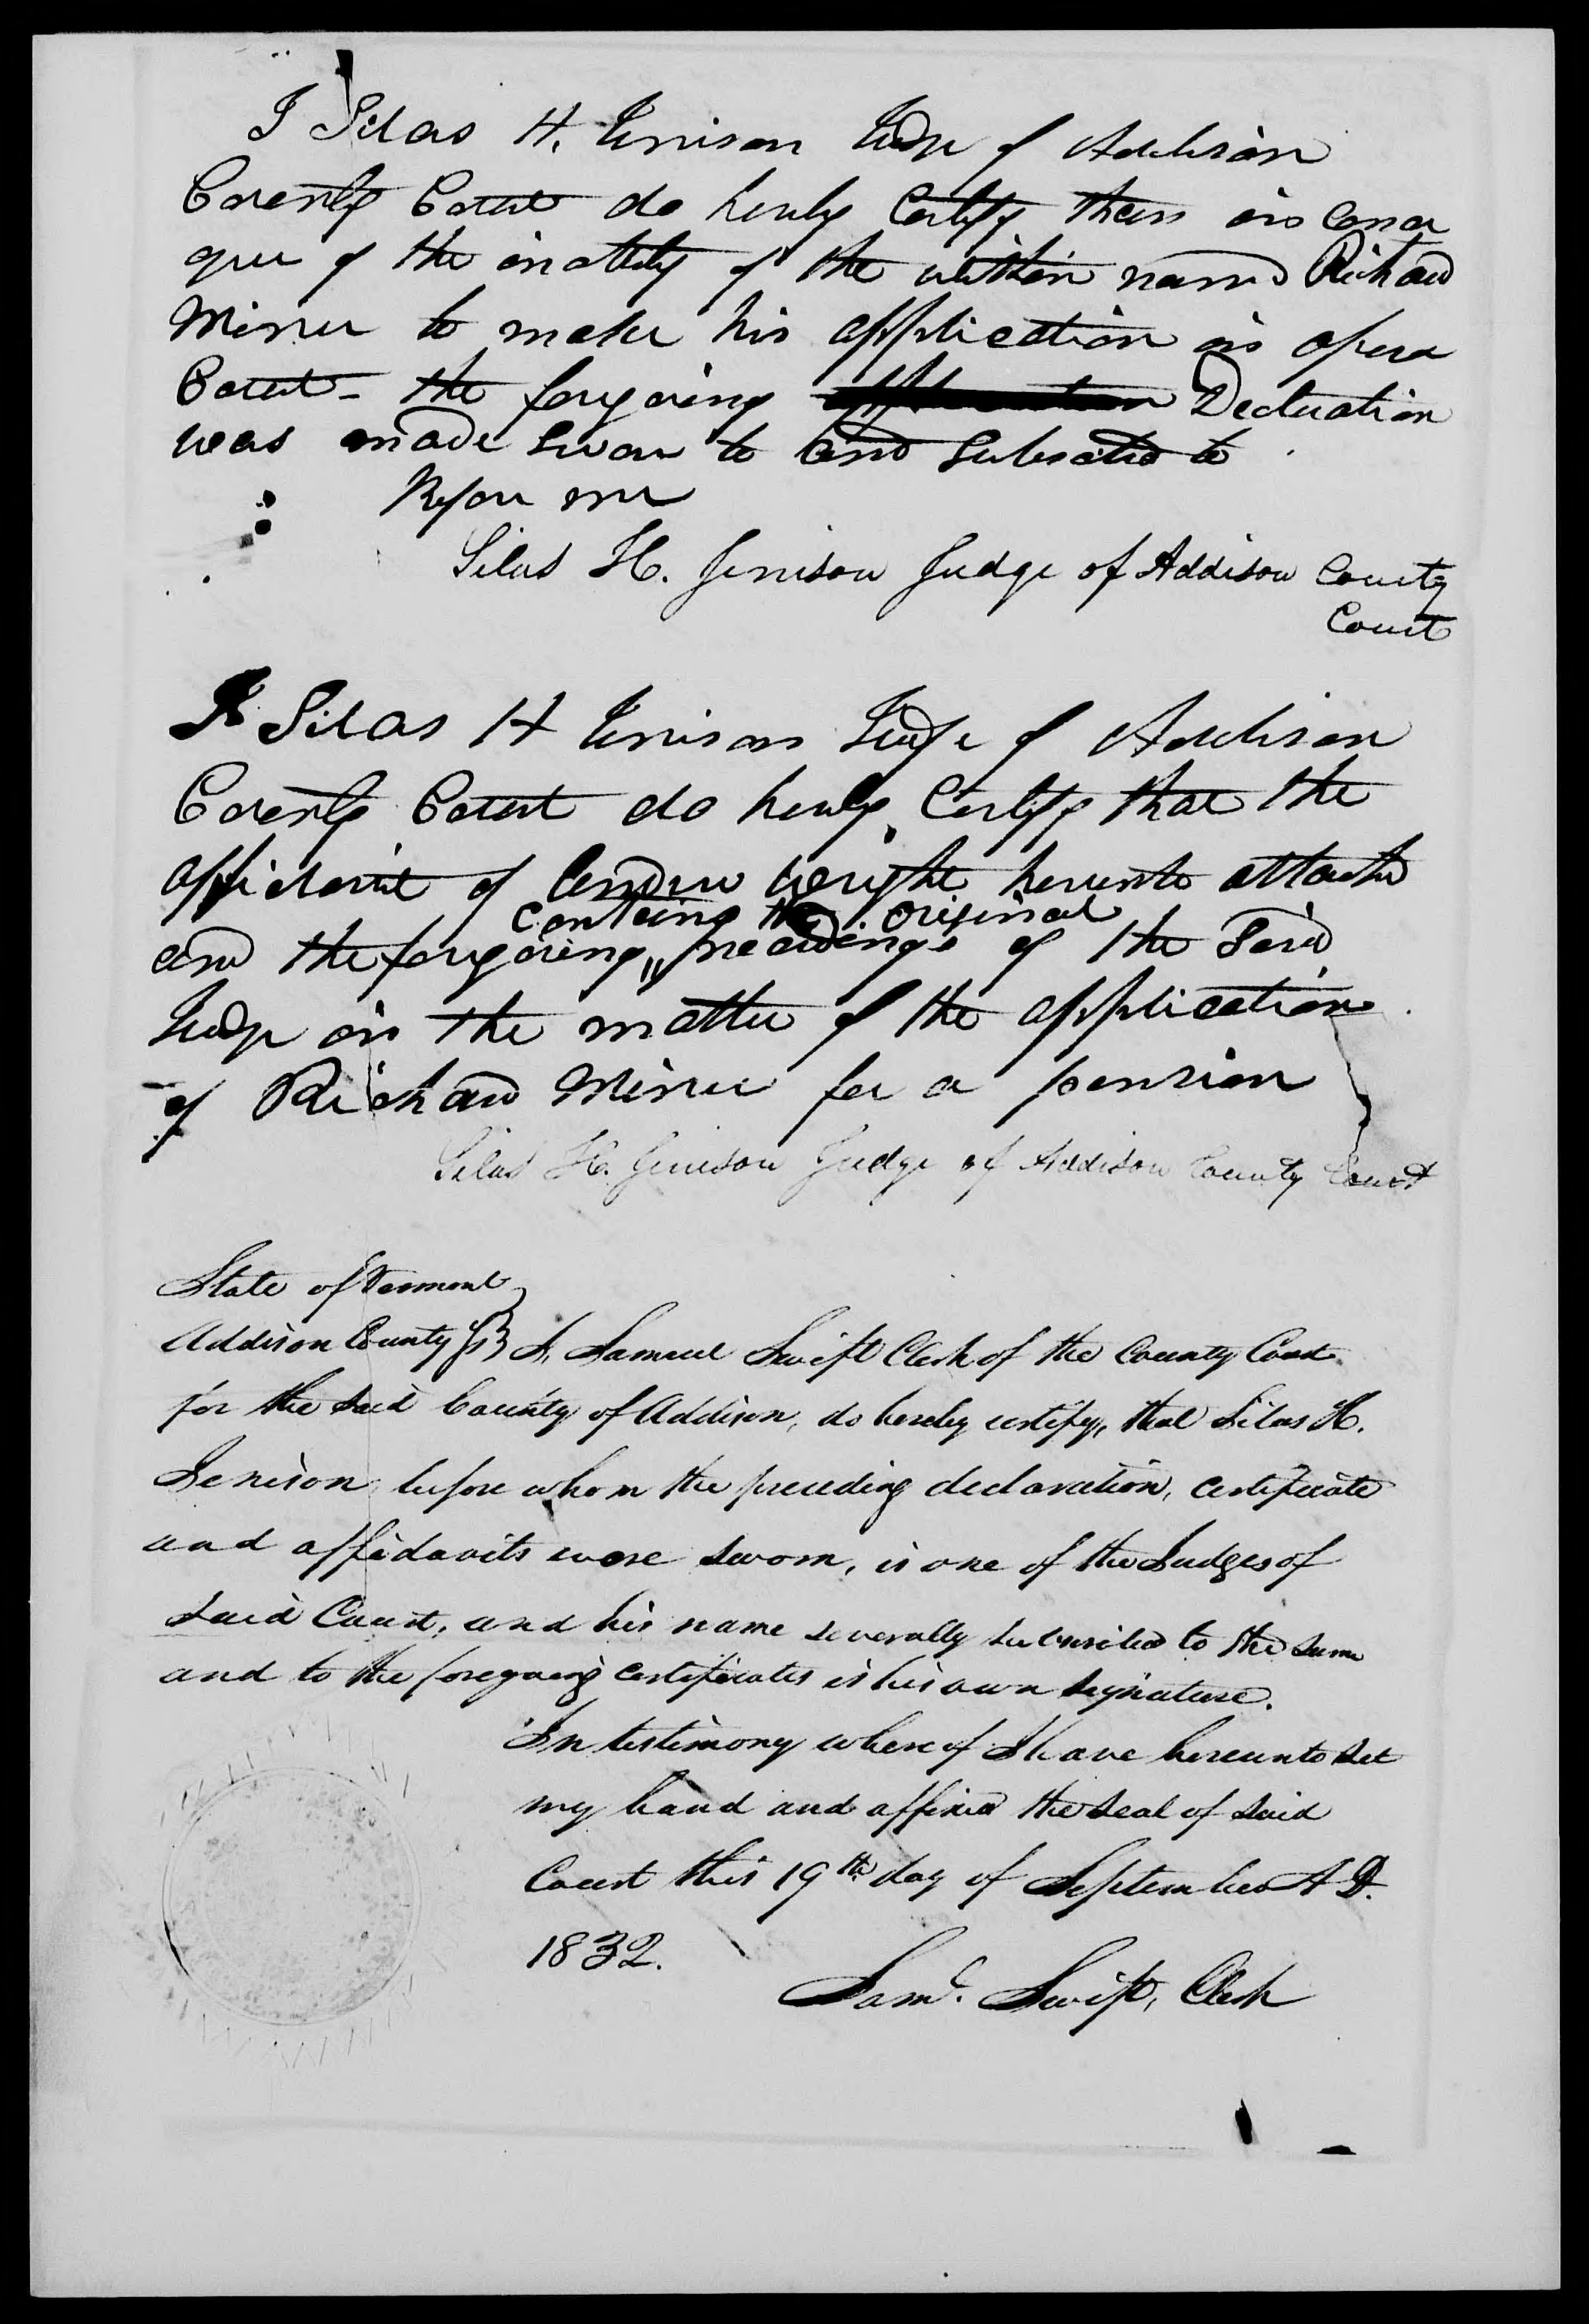I Silas Harrison Esq of Addison
County Court do hereby certify this is [illegible] of the inability of the within named Richard Miner to make his application in open
Court the foregoing Declaration
was made sworn to and subscribed to
Before me
Silas H. Jenison Judge of Addison County
Court
I Silas H Jenison Judge of Addison
County Court do herby certify that the
affidavit of 
Andrew Wright hereunto attached
and the foregoing containing the original
[illegible] of the said Judge
in the matter of the application
of Richard Miner for a pension

Silas H. Jenison Judge of Addison County Court
State of Vermont
Addison County 
I, Samuel Swift Clerk of the County Court
for the said County of Addison, do hereby certify that Silas H.
Jenison, before whom the preceding declaration, certificate
and affidavits were sworn, is one of the Judges of
said Court, and his name severally subscribed to the sworn
and to the foregoing certificates is his own signature
In testimony whereof I have hereunto set
my hand and affixed the seal of said
Court this 19th day of September AD.
1832
Saml Swift, Clerk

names: Richard Miner; Samuel Swift; Silas H Jenison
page: 7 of 34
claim: survivor's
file: S. 13944, for Richard Miner, Massachusetts